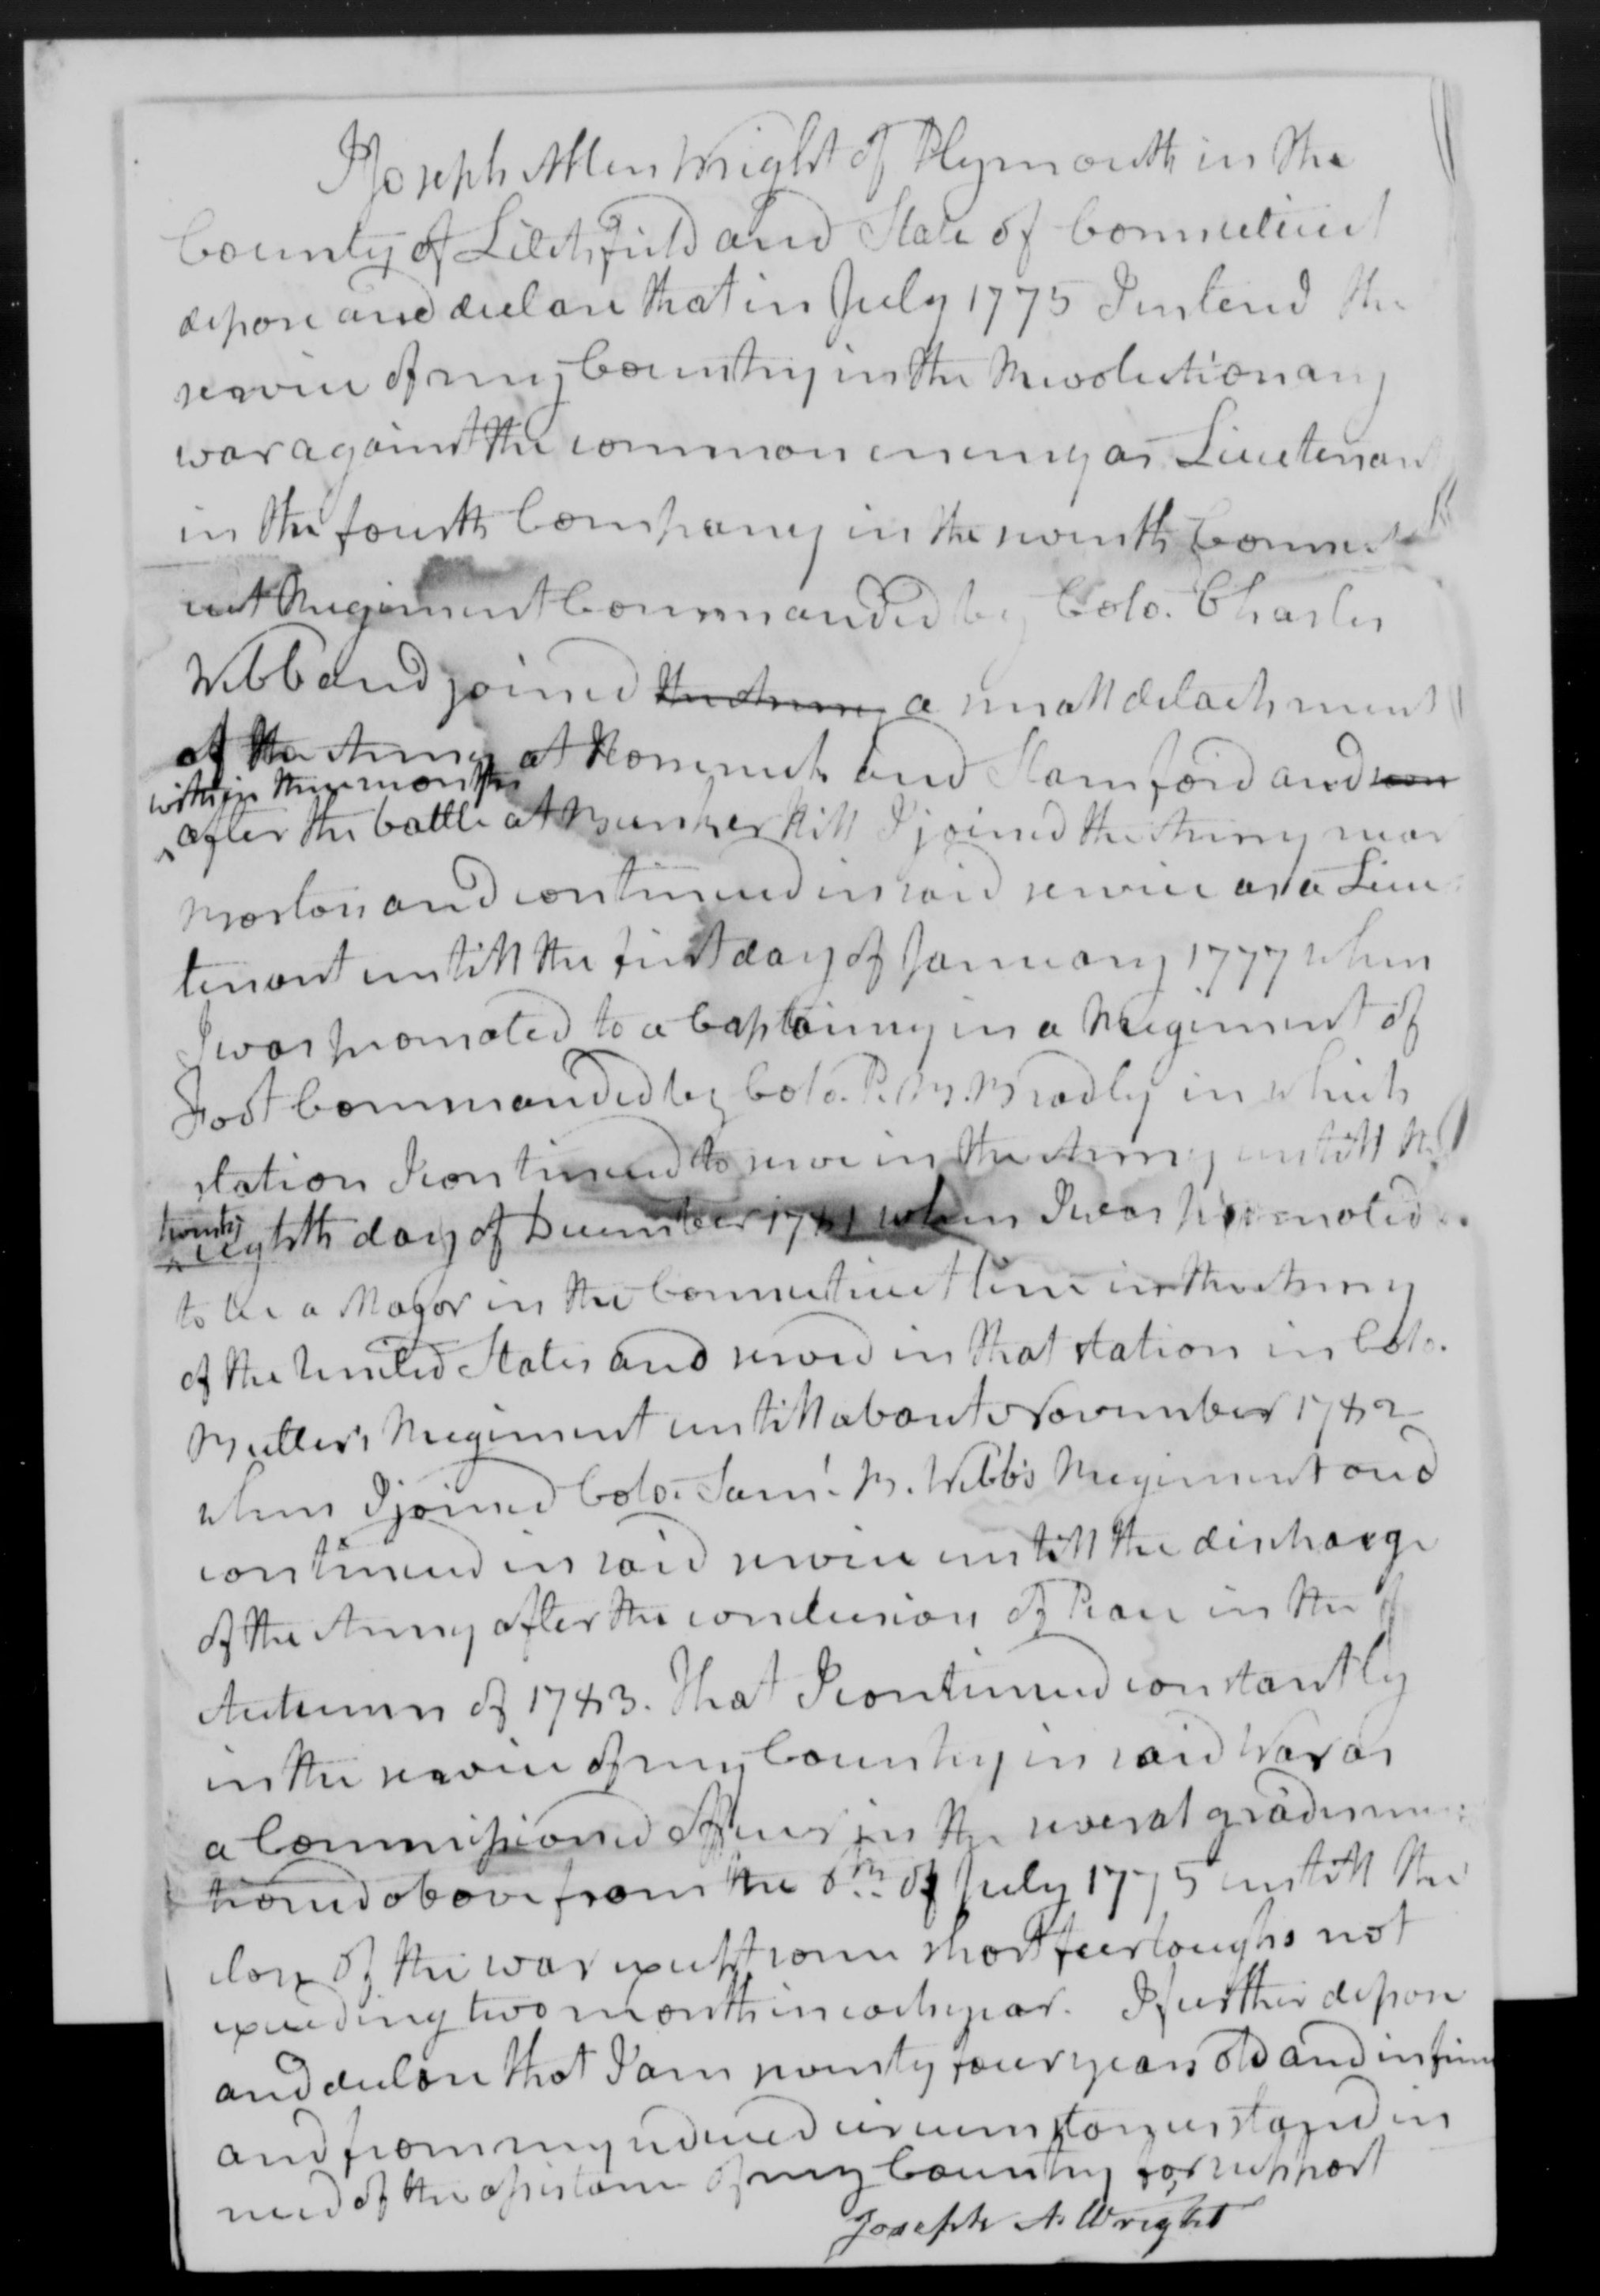I Joseph Allen Wright of Plymouth in the
County of Litchfield and State of Connecticut
depose and declare that in July 1775 I entered the service of my country in the Revolutionary war against the common enemy as Lieutenant 
in the fourth Company in the north Command 
Regiment commanded by Colonel Charles
Wibband  joined a small detachment of the Army at Hommick and Stamford and within three months after the battle at Bunker hill I joined the Army near Boston and continued in said service as a Lieutenant untill the first day of January 1777 when I was promoted to a captaincy in a Regiment of Foot Commanded by Colonel M. Bradley in which station I continued [illegible] in the Army untill the 28th day of December 1777 when I was promoted  be a Major in the Connecticut line in the Army of the United States and served in that station in Colonel Muller's Regiment untill about November 1782 when  I joined Colonel Samuel. Webb's regiment and continued in said service untill the discharge of the Army after the conclusion of peace in the Autumn of 1783. That I continued constantly
in the service of my Country in said War as a
Commissioned officer in the several gradings named above from the 6th of July 1775 untill the
[illegible] of the war with some short furloughs not exceeding two month in each year. I further depose and declare that I am ninety four years old and infirm and from my reduced circumstances and in need of the assistance of my country for support
Joseph A. Wright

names: Joseph Allen Wright, Charles Wibband, B Bradley, Joseph A Wright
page: 4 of 13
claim: survivor's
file: S. 36855, Joseph Allyn Wright, Conn. Continental